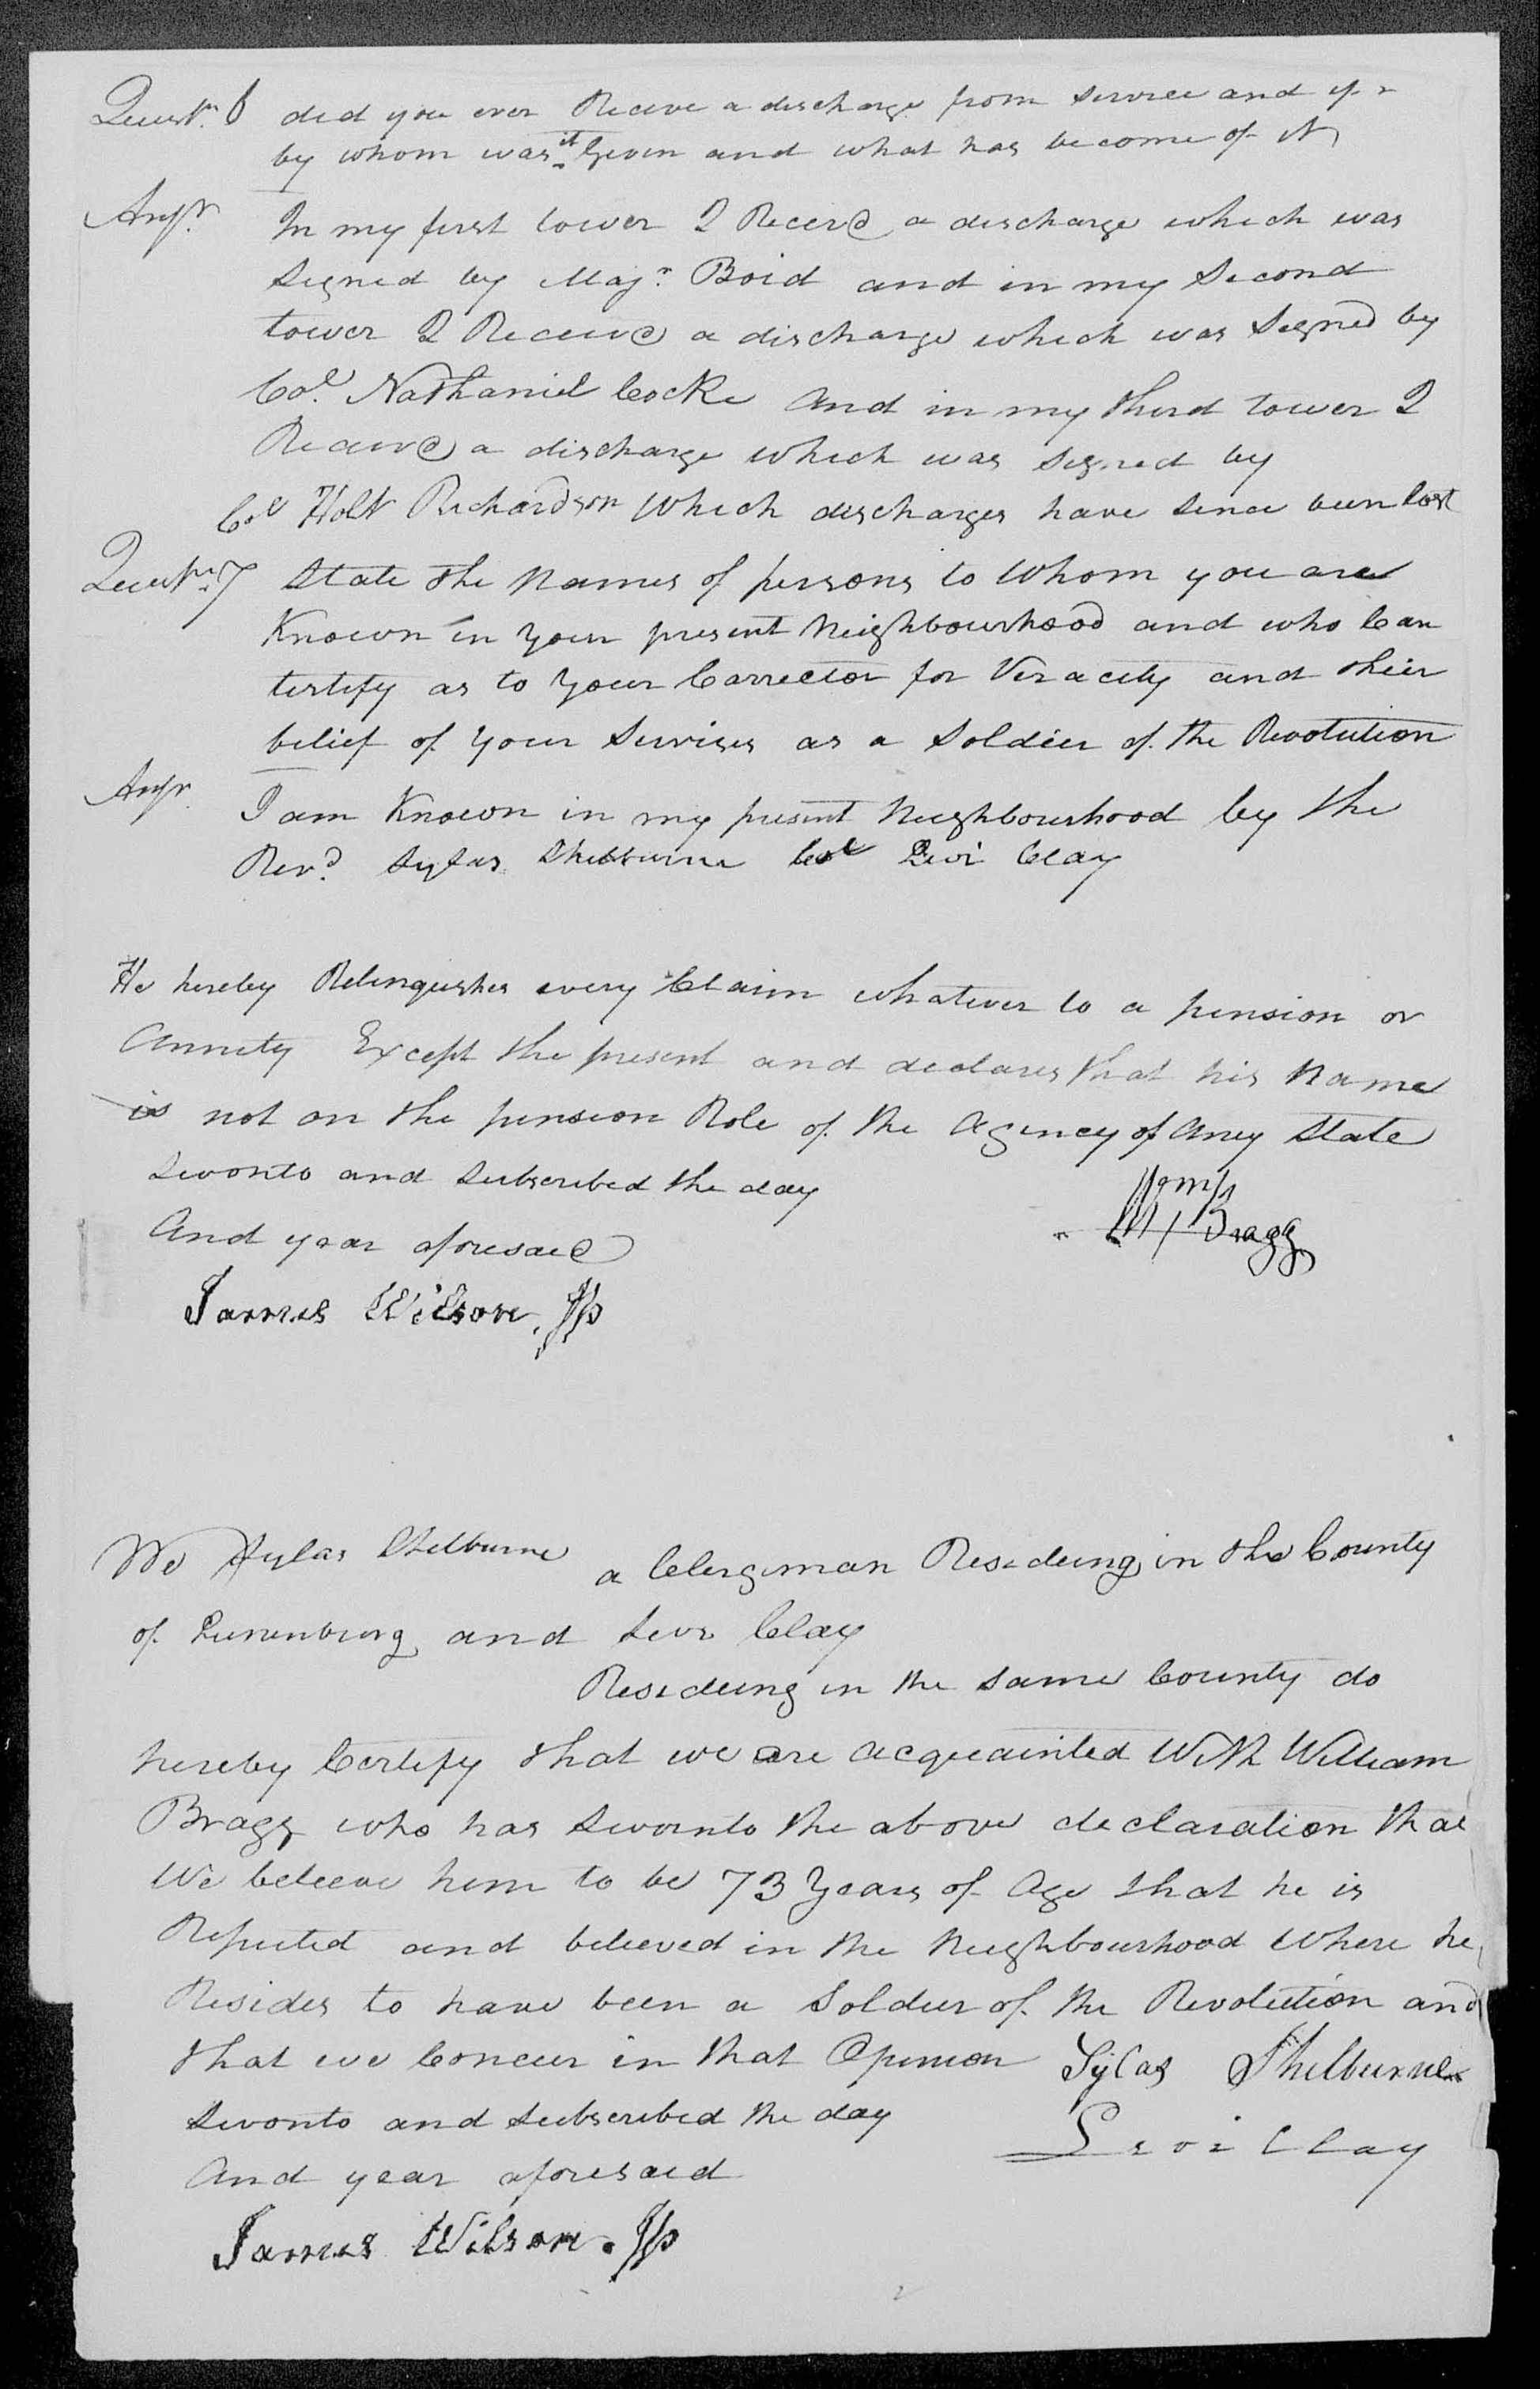Quest. 6 did you ever receive a discharge from service and if so by whom was it given and what has become of it 
Ans’r. [Answer] In my first tower I recev’d [received] a discharge which was signed by Maj’r. [Major] Boid and in my second tower I receiv’d [received] a discharge which was signed by Col. Nathaniel Cocke and in my third tower I receiv’d [received] a discharge which was signed by Col Holt Richardson which discharges have since been lost 
Quest’n 7 State the names of persons to whom you are known in your present neighbourhood and who can testify as to your Carrector [character] for Veracity and their belief of your Servises [services]as a Soldier of the Revolution 
Ans’r. I am known in my present neighbourhood by the Rev’d. [Reverand] Sylas Shelburne Col Levi Clay 

He hereby relinquishes every claim whatever to a pension or annuity except the present and declares that his name is not on the pension Role of the Agency of any state Sworn to and subscribed the day and year aforesaid 
[signed] Wm Bragg
James Wilson, J. P.

We Silas Shelburne a Clergyman Residing in the County of Lunenburg and Levi Clay Residing in the same County do hereby certify that we are acquainted with William Bragg who has sworn to the above declaration that We believe him to be 73 years of age that he is reputed and believed in the neighbourhood where he resides to have been a soldier of the Revolution and that we concur in that Opinion 
Silas Shelburne 
Levi Clay
Sworn to and subscribed the day and year aforesaid 
James Wilson J.P.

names: William Bragg, Levi Clay, Sylas Shelburne, Boid, James Wilson, Nathaniel Cocke, Holt Richardson, Wm Bragg, James Wilson, Levi Clay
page: 6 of 19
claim: widow's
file: W. 2517, William Bragg, Va.